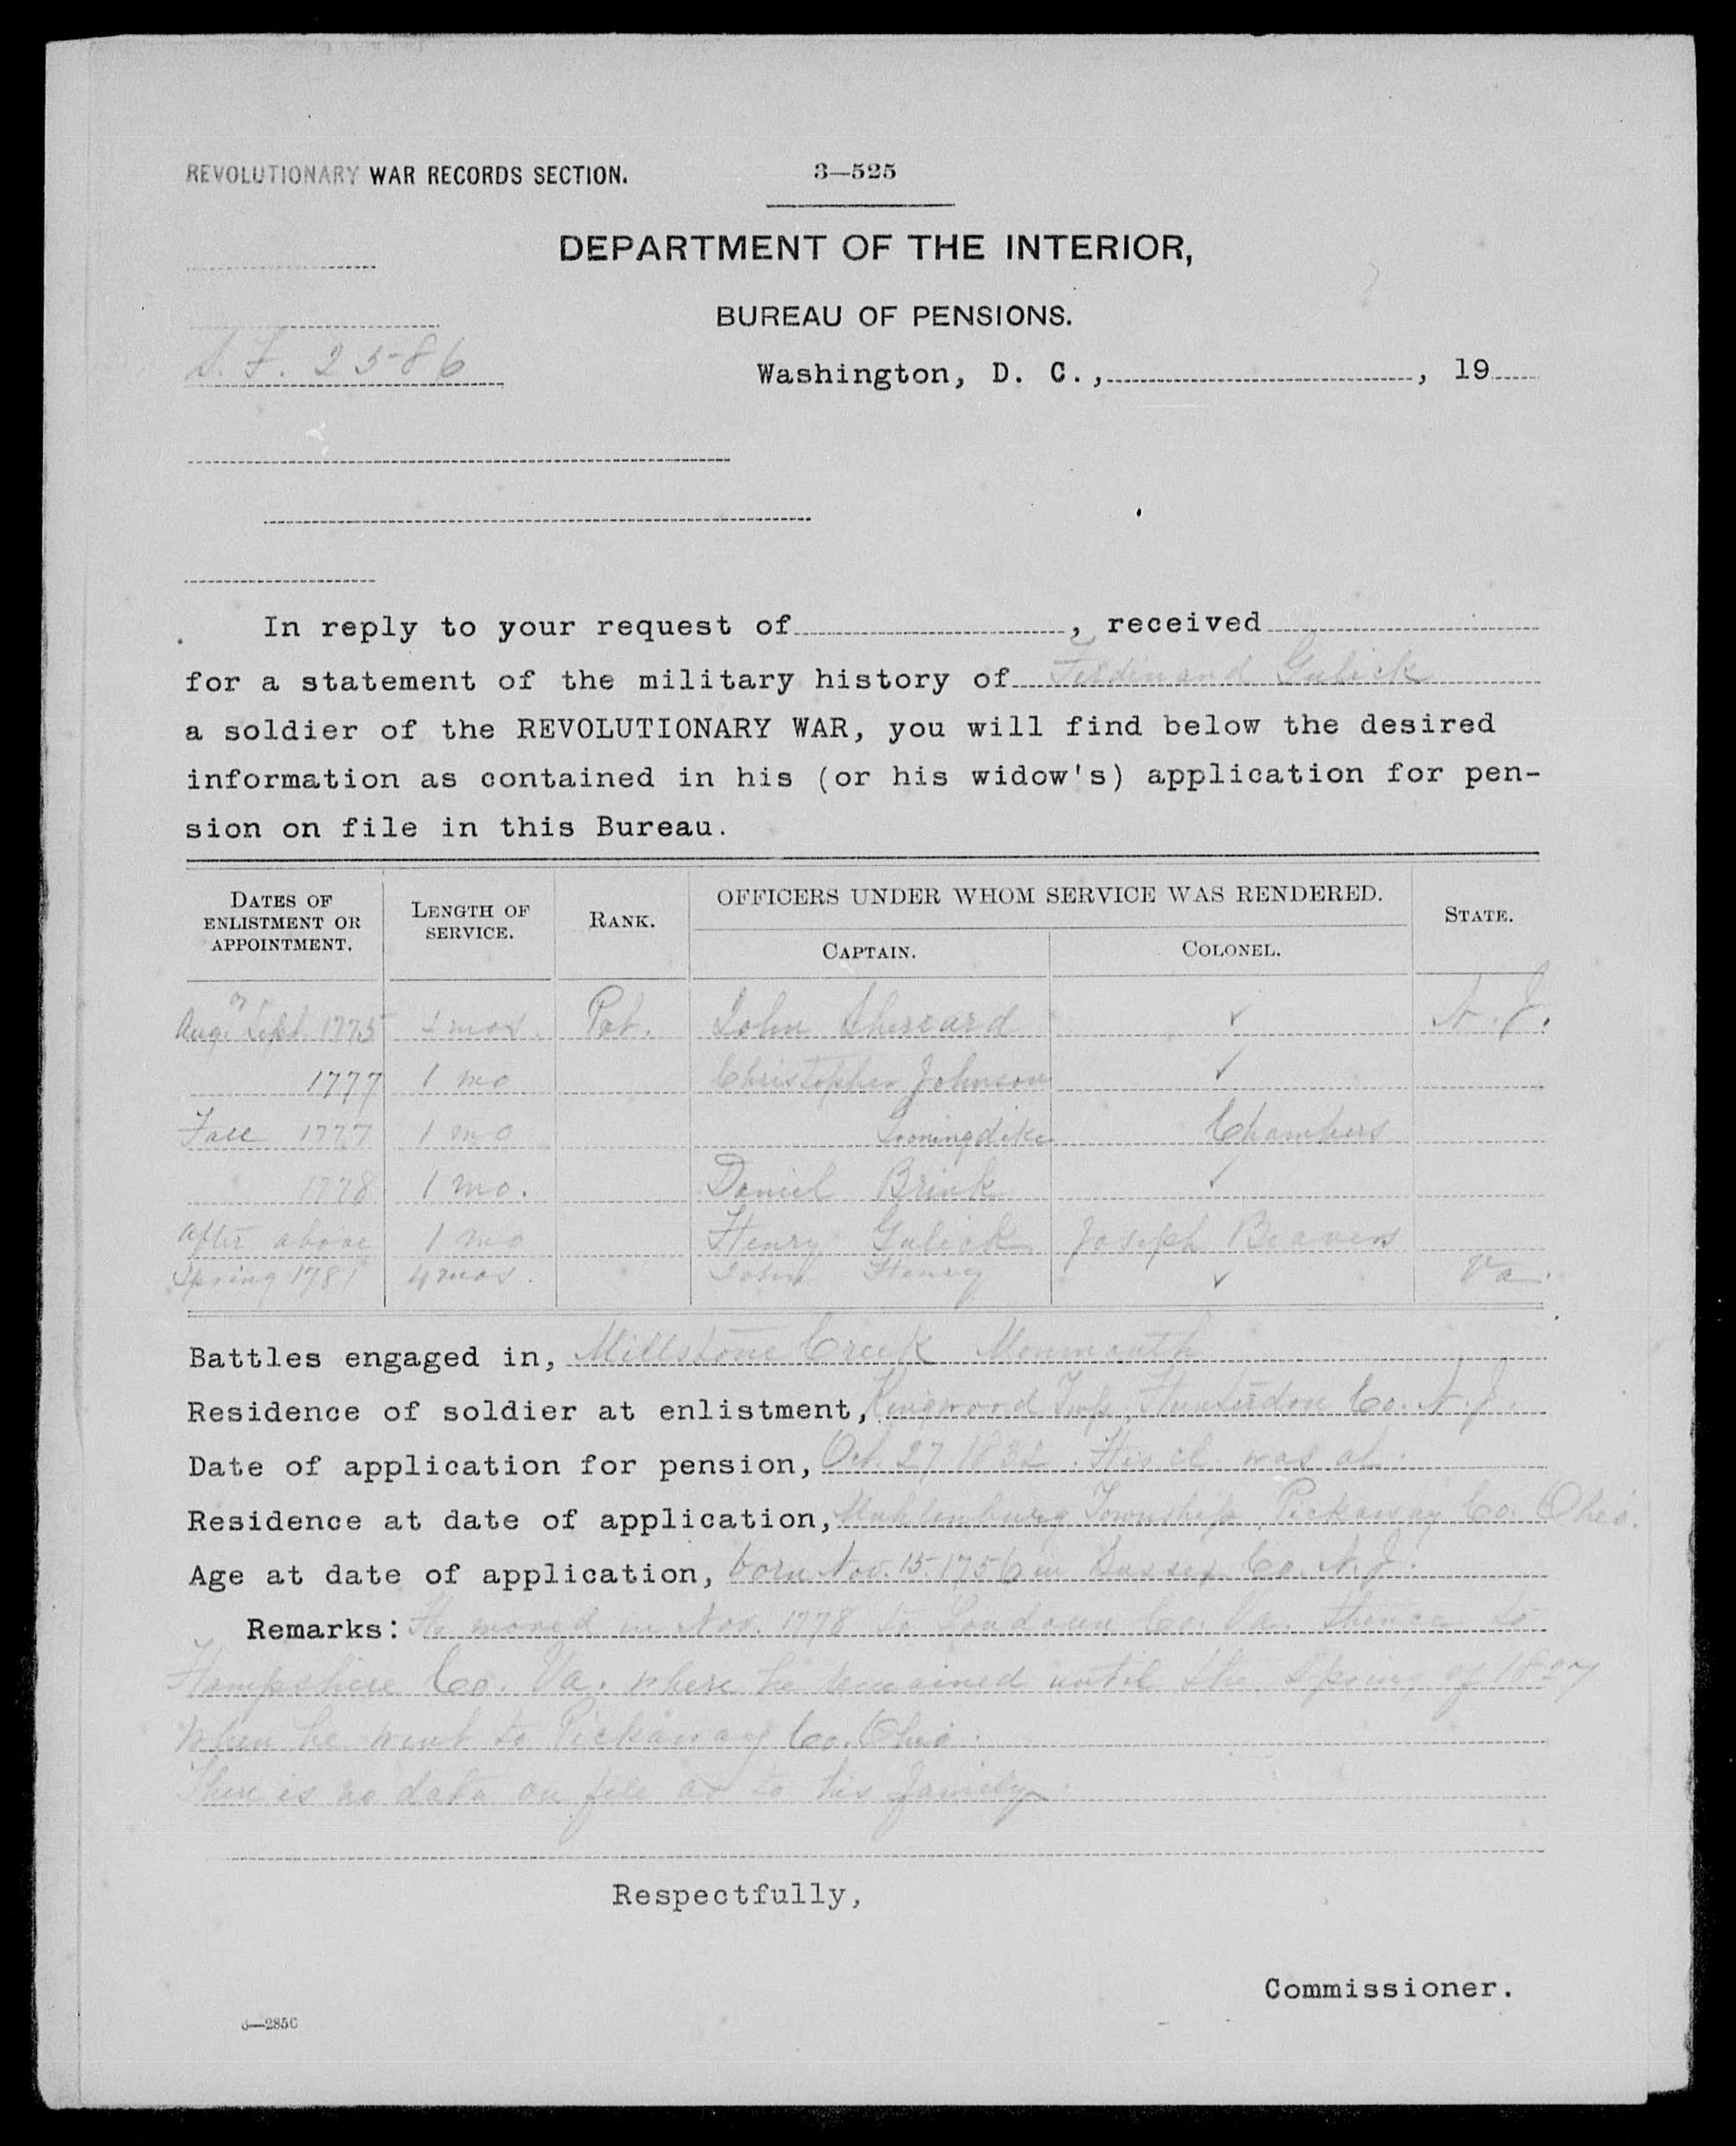REVOLUTIONARY WAR RECORDS SECTION.

3-525
___

DEPARTMENT OF THE INTERIOR

BUREAU OF PENSIONS.

Washington, D.C., _____, 19___

D.F. 23-86 (this number is particular to each case)

In reply to your request of _____, received _____ for a statement of the military history of Ferdinand Gulick a soldier of the REVOLUTIONARY WAR, you will find below the desired information as containd in his (or his widow’s) application for pension on file in this Bureau.
=====

(The following appeared in a tabular column format.)

DATES OF ENLISTMENT OR APPOINTMENT.
Aug or Sept 1775
1777
Fall 1777
1778
After above
Spring 1781

LENGTH OF SERVICE.
2 mos
1 mo
1 mo
1 mo
1 mo
4 mos

RANK.
Pvt

OFFICERS UNDER WHOM SERVICE WAS RENDERED.

CAPTAIN.
John Sherard
Christopher Johnson
Groningdike
Daniel Brank
Henry Gulick
John Henry

COLONEL.
(Checkmark)
(Checkmark)
Chambers
(Checkmark)
Joseph Beaver
(Checkmark)

STATE.
N.J.
___
___
___
___
Va

Battles engaged in, Millstone Creek, Monmouth
Residence of soldier at enlistment, Kingswood Twp, Hunterdon Co J.J.
Date of application for pension, Oct 27 1832
Residence at date of application, Muhlenberg Township, Pickaway Co Ohio
Age at date of application, born Nov 15, 1756 in Sussex Co N.J.
Remarks: He moved in Nov 1778 to Loudon Co Va thence to Hampshire Co Va, where he remained until the Spring of 1827 when he went to Pickaway Co Ohio.
There is no data on file as to his family.

Respectfully,

Commissioner.

6-285C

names: Groningdike, Ferdinand Gulick, Daniel Brink, Chambers, John Henry, Christopher Johnston, John Sherrard, Joseph Beavers, Henry Gulick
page: 14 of 21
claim: survivor's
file: S. 2586, Ferdinand Gulick, New Jersey Va.